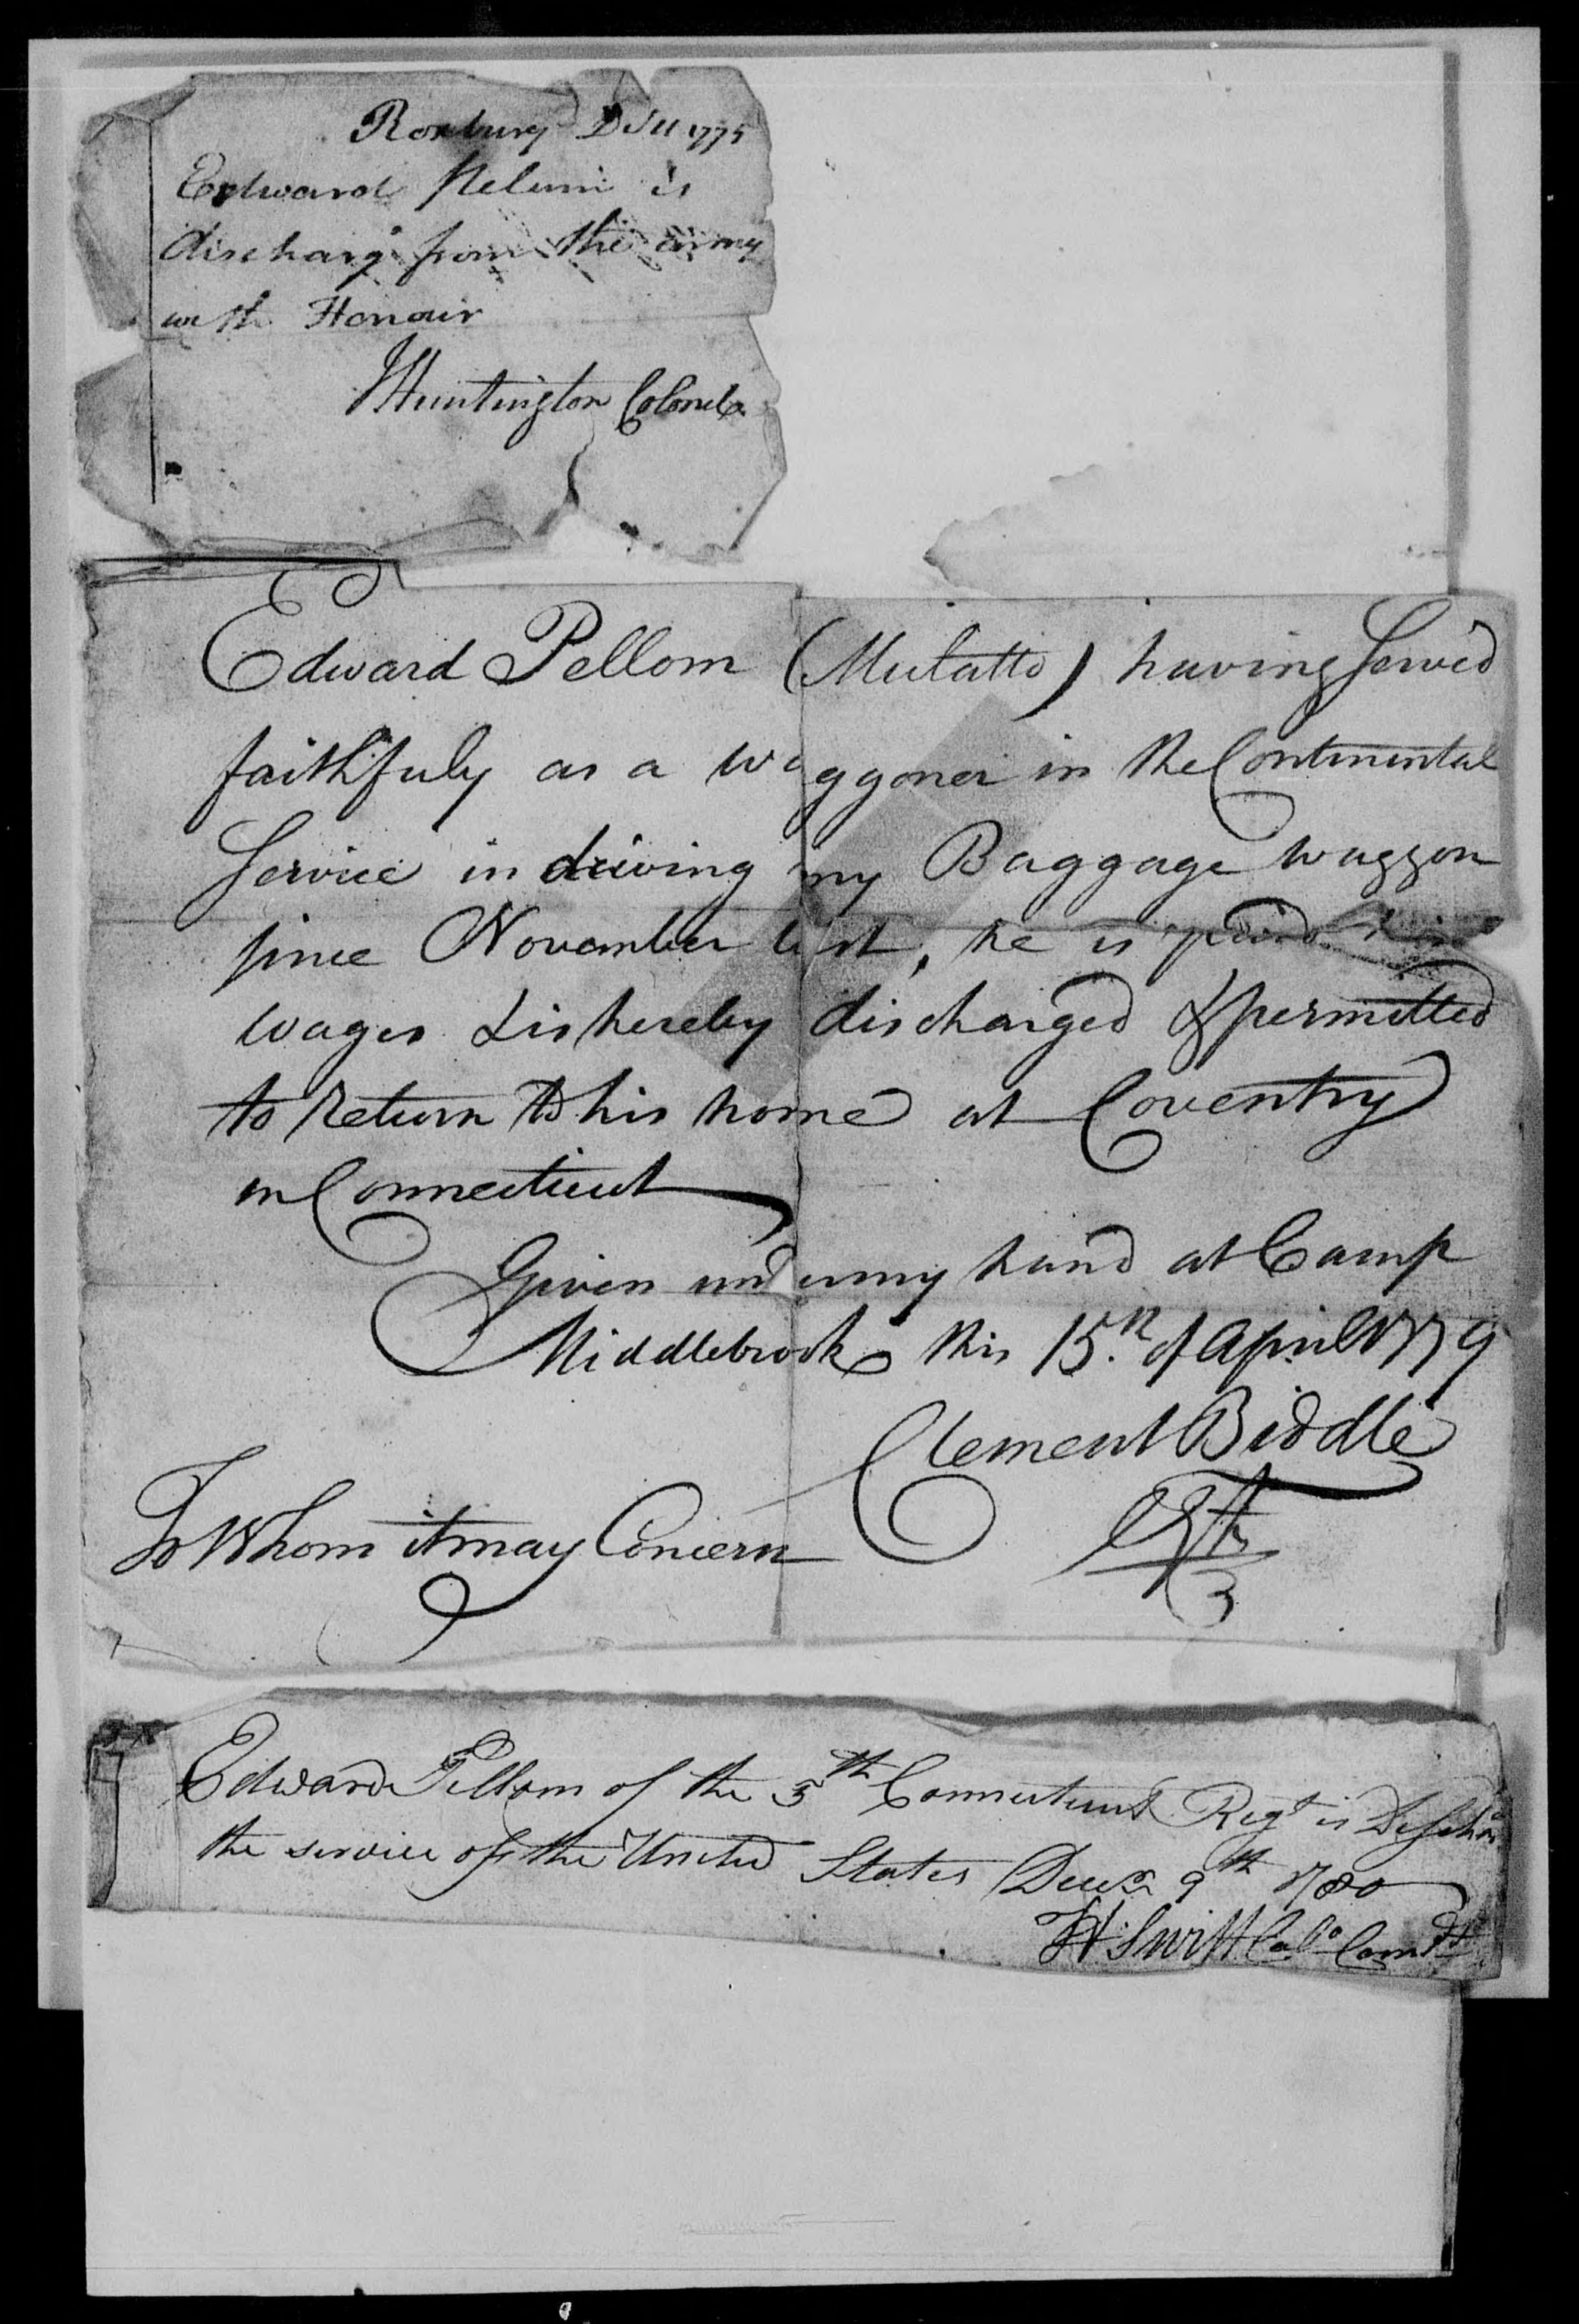Roxbury D[illegible] 1779
Edward Pelum is discharg from the army with Honour
J Huntington Colonel
Edward Pellom (Mulatto) having served faithfuly as a waggoner in the Continental Service in driving my Baggage waggon since November [illegible]st, he is [illegible] wages and is hereby discharged and permitted to return to his home at Coventry in Connecticut
Given under my hand at Camp Middlebrook this 15th of April 1779
Clement Biddle [illegible]
To Whom it may Concern
Edward Pellom of the 5th Connecticut Regt is Disch[illegible] the service of the United States Dec 9th of 80
H Swift [illegible]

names: H Swift; Clement Biddle; J Huntington; Edward Pellom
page: 8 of 8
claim: survivor's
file: S. 36216, for Edward Pellom, Connecticut